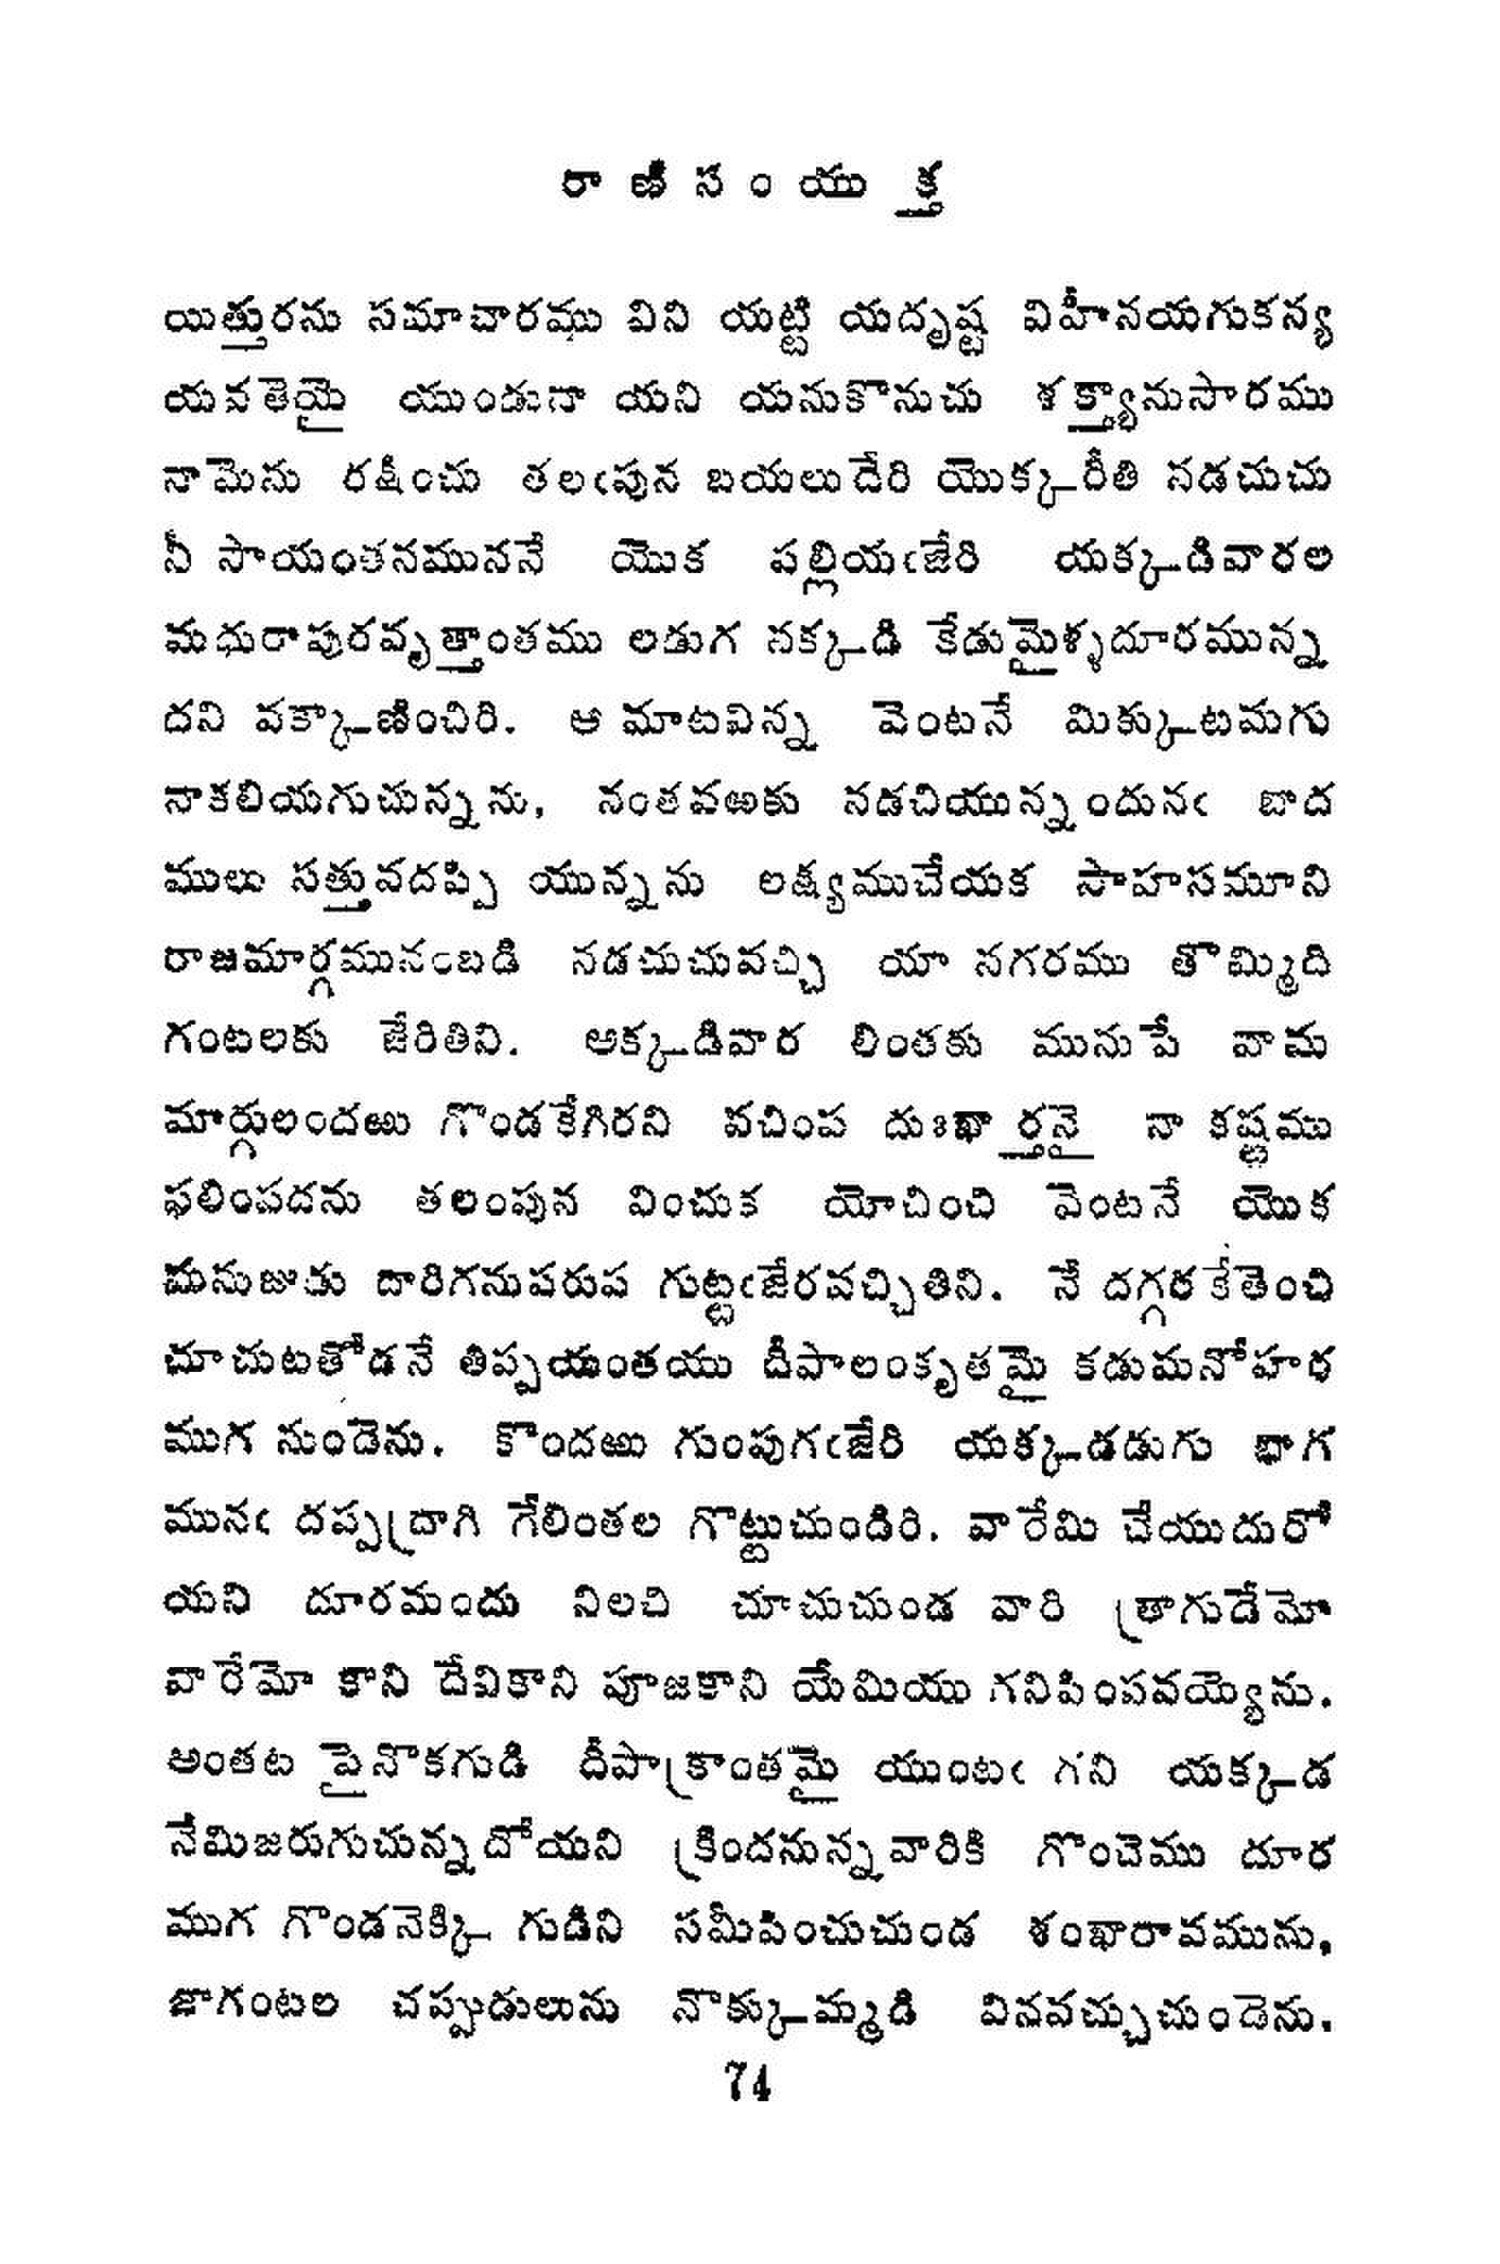యిత్తురను సమాచారము విని యట్టి యదృష్ట విహీనయగుకన్య యవతెయై యుండునా యని యనుకొనుచు శక్త్యానుసారము నామెను రక్షించు తలఁపున బయలుదేరి యొక్కరీతి నడచుచు నీ సాయంతనముననే యొక పల్లియఁజేరి యక్కడివారల మధురాపురవృత్తాంతము లడుగ నక్కడి కేడుమైళ్ళదూరమున్న దని వక్కాణించిరి. ఆ మాటవిన్న వెంటనే మిక్కుటమగు నాకలియగుచున్నను, నంతవఱకు నడచియున్నందునఁబాదములు సత్తువదప్పి యున్నను లక్ష్యముచేయక సాహసమూని రాజమార్గమునంబడి నడచుచువచ్చి యా నగరము తొమ్మిది గంటలకు జేరితిని. అక్కడివార లింతకు మునుపే వామ మార్గులందఱు గొండకేగిరని వచింప దుఃఖార్తనై నా కష్టము ఫలింపదను తలంపున వించుక యోచించి వెంటనే యొక మనుజుడు దారిగనుపరుప గుట్టఁజేరవచ్చితిని. నే దగ్గరకేతెంచి చూచుటతోడనే తిప్పయంతయు దీపాలంకృతమై కడుమనోహరముగ నుండెను. కొందఱు గుంపుగఁజేరి యక్కడడుగు భాగమునఁ దప్పద్రాగి గేలింతల గొట్టుచుండిరి. వారేమి చేయుదురో యని దూరమందు నిలచి చూచుచుండ వారి త్రాగుడేమో వారేమో కాని దేవికాని పూజకాని యేమియు గనిపింపవయ్యెను. అంతట పైనొకగుడి దీపాక్రాంతమై యుంటఁ గని యక్కడ నేమిజరుగుచున్నదోయని క్రిందనున్న వారికి కొంచెము దూరముగ గొండనెక్కి గుడిని సమీపించుచుండ శంఖారావమును, జాగంటల చప్పుడులును నొక్కుమ్మడి వినవచ్చుచుండెను,